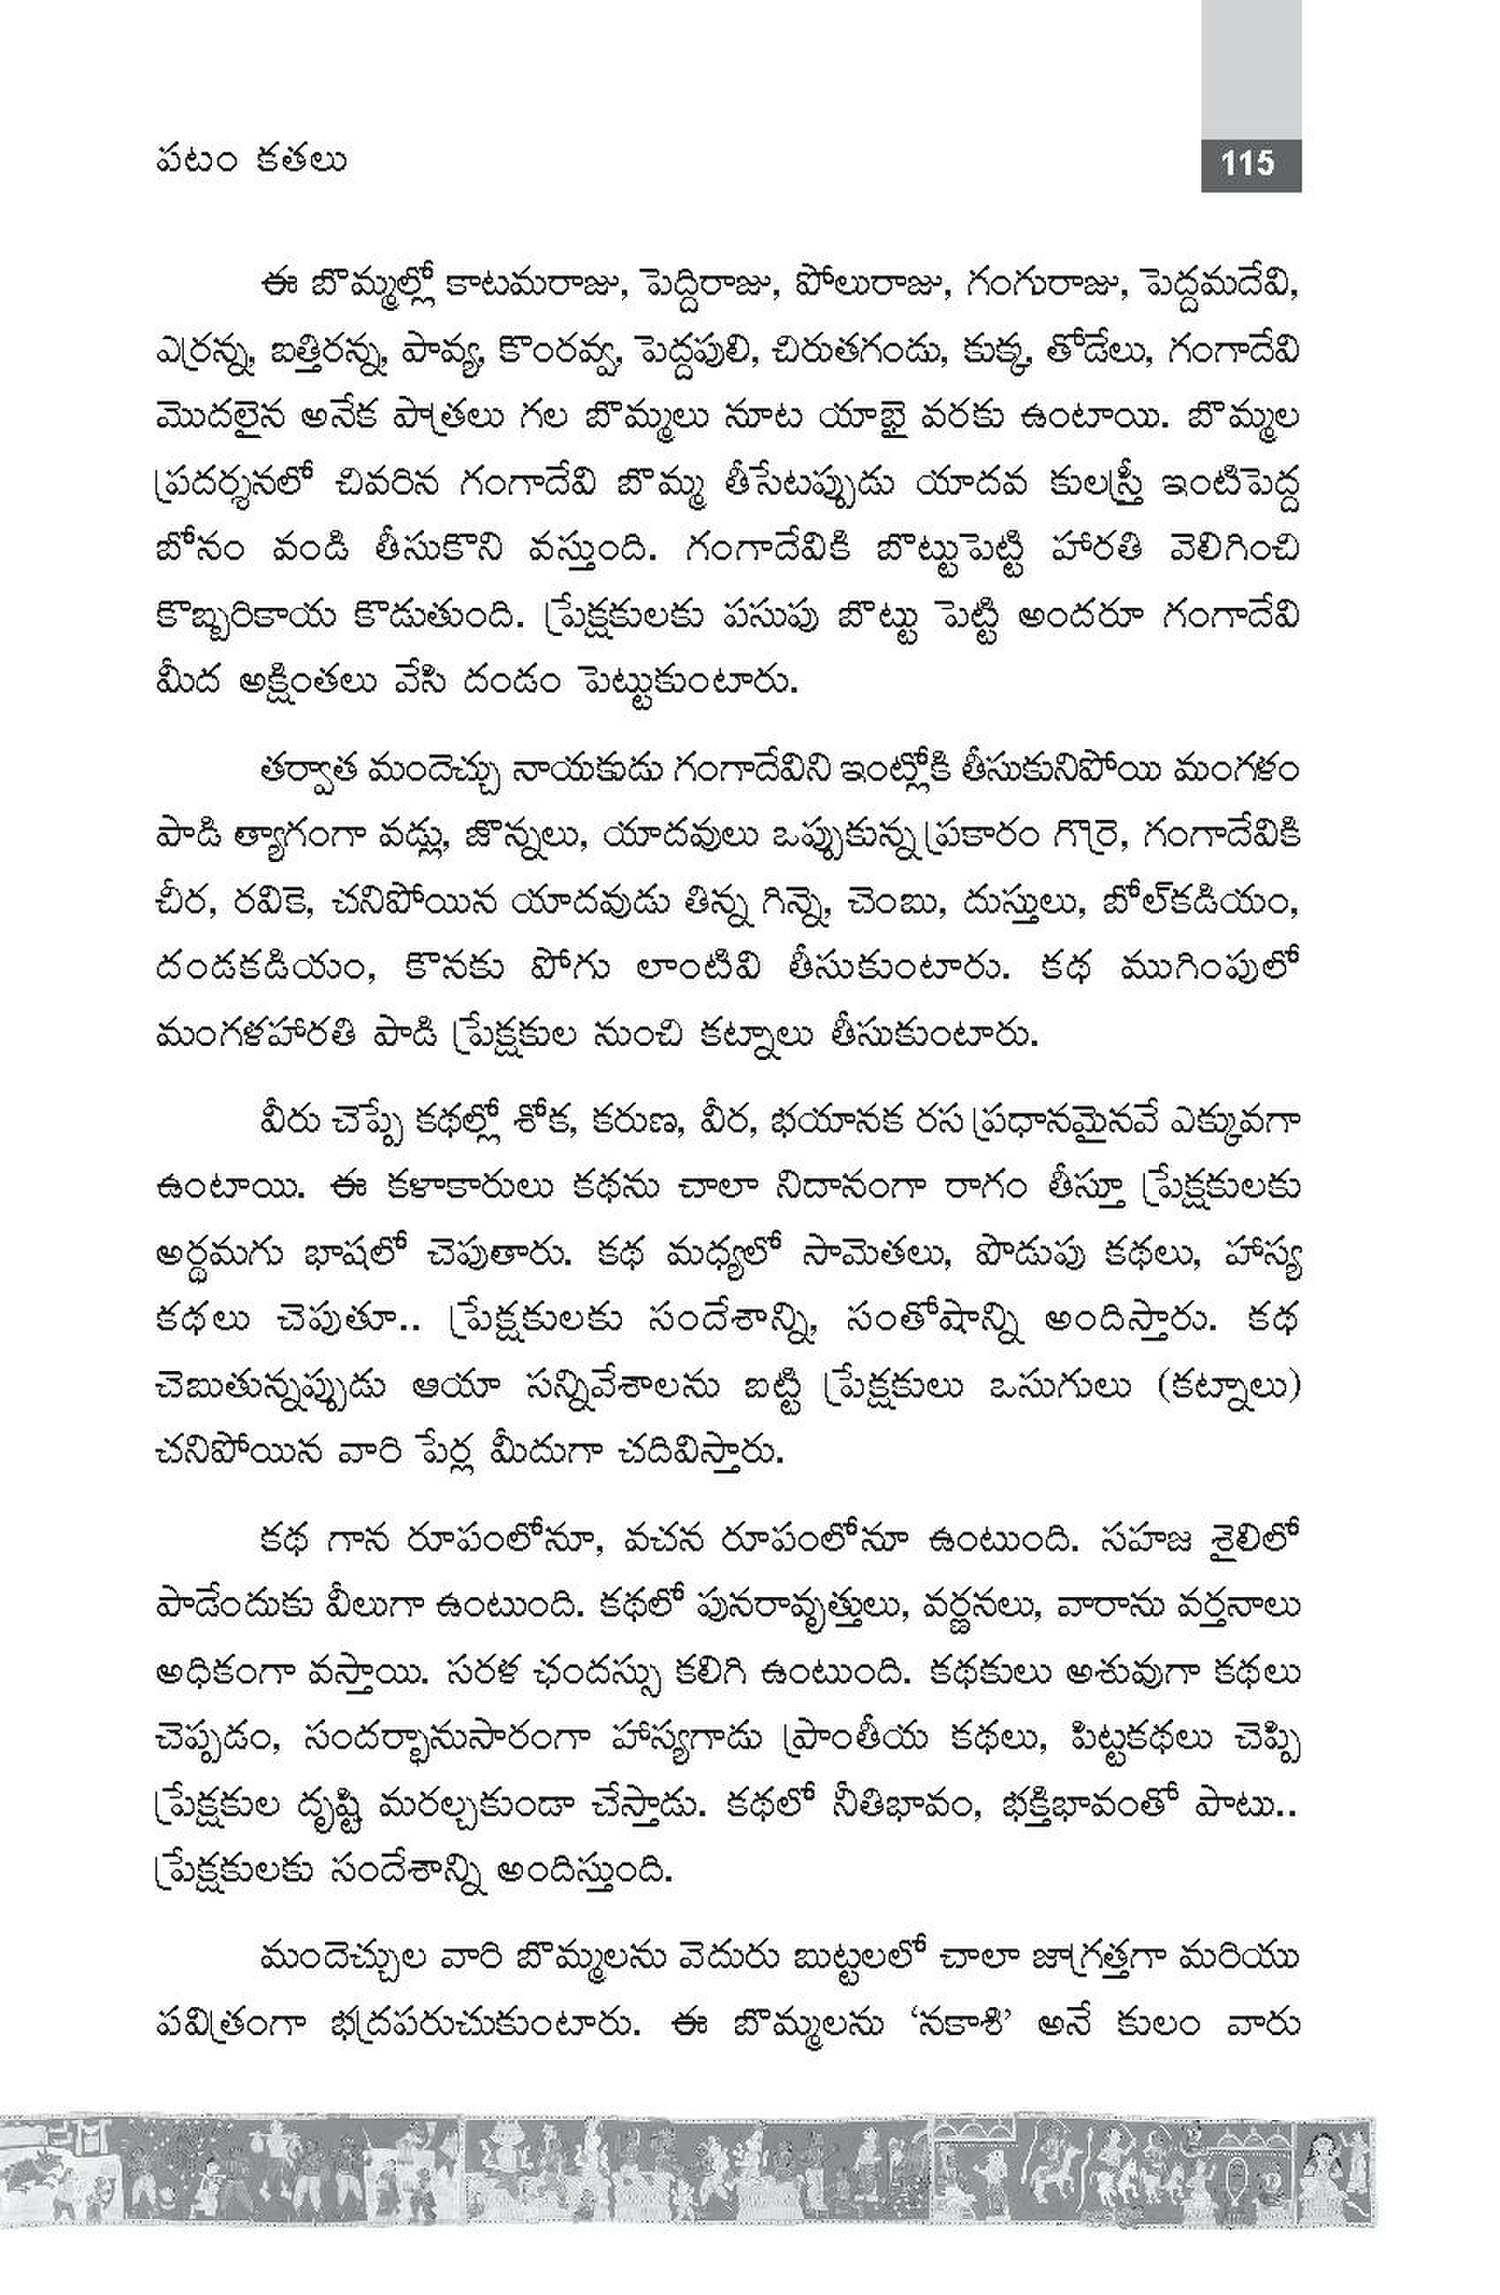ఈ బొమ్మల్లో కాటమరాజు, పెద్దిరాజు, పోలురాజు, గంగురాజు, పెద్దమదేవి, ఎర్రన్న, బత్తిరన్న, పావ్య, కౌంరవ్వ, పెద్దపులి, చిరుతగండు, కుక్క, తోడేలు, గంగాదేవి మొదలైన అనేక పాత్రలు గల బొమ్మలు నూట యాభై వరకు ఉంటాయి. బొమ్మల ప్రదర్శనలో చివరిన గంగాదేవి బొమ్మ తీసేటప్పుడు యాదవ కులస్త్రీ ఇంటిపెద్ద బోనం వండి తీసుకొని వస్తుంది. గంగాదేవికి బొట్టుపెట్టి హారతి వెలిగించి కొబ్బరికాయ కొడుతుంది. ప్రేక్షకులకు పసుపు బొట్టు పెట్టి అందరూ గంగాదేవి మీద అక్షింతలు వేసి దండం పెట్టుకుంటారు.

తర్వాత మందెచ్చు నాయకుడు గంగాదేవిని ఇంట్లోకి తీసుకునిపోయి మంగళం పాడి త్యాగంగా వడ్లు, జొన్నలు, యాదవులు ఒప్పుకున్న ప్రకారం గొర్రె, గంగాదేవికి చీర, రవికె, చనిపోయిన యాదవుడు తిన్న గిన్నె, చెంబు, దుస్తులు, బోల్కడియం, దండకడియం, కొనకు పోగు లాంటివి తీసుకుంటారు. కథ ముగింపులో మంగళహారతి పాడి ప్రేక్షకుల నుంచి కట్నాలు తీసుకుంటారు.

వీరు చెప్పే కథల్లో శోక, కరుణ, వీర, భయానక రస ప్రధానమైనవే ఎక్కువగా ఉంటాయి. ఈ కళాకారులు కథను చాలా నిదానంగా రాగం తీస్తూ ప్రేక్షకులకు అర్ధమగు భాషలో చెపుతారు. కథ మధ్యలో సామెతలు, పొడుపు కథలు, హాస్య
కథలు చెపుతూ.. ప్రేక్షకులకు సందేశాన్ని, సంతోషాన్ని అందిస్తారు. కథ చెబుతున్నప్పుడు ఆయా సన్నివేశాలను బట్టి ప్రేక్షకులు ఒసుగులు (కట్నాలు) చనిపోయిన వారి పేర్ల మీదుగా చదివిస్తారు.

కథ గాన రూపంలోనూ, వచన రూపంలోనూ ఉంటుంది. సహజ శైలిలో పాడేందుకు వీలుగా ఉంటుంది. కథలో పునరావృత్తులు, వర్ణనలు, వారాను వర్తనాలు అధికంగా వస్తాయి. సరళ ఛందస్సు కలిగి ఉంటుంది. కథకులు అశువుగా కథలు చెప్పడం, సందర్భానుసారంగా హాస్యగాడు ప్రాంతీయ కథలు, పిట్టకథలు చెప్పి ప్రేక్షకుల దృష్టి మరల్చకుండా చేస్తాడు. కథలో నీతిభావం, భక్తిభావంతో పాటు.. ప్రేక్షకులకు సందేశాన్ని అందిస్తుంది.

మందెచ్చుల వారి బొమ్మలను వెదురు బుట్టలలో చాలా జాగ్రత్తగా మరియు పవిత్రంగా భద్రపరుచుకుంటారు. ఈ బొమ్మలను 'నకాశి' అనే కులం వారు